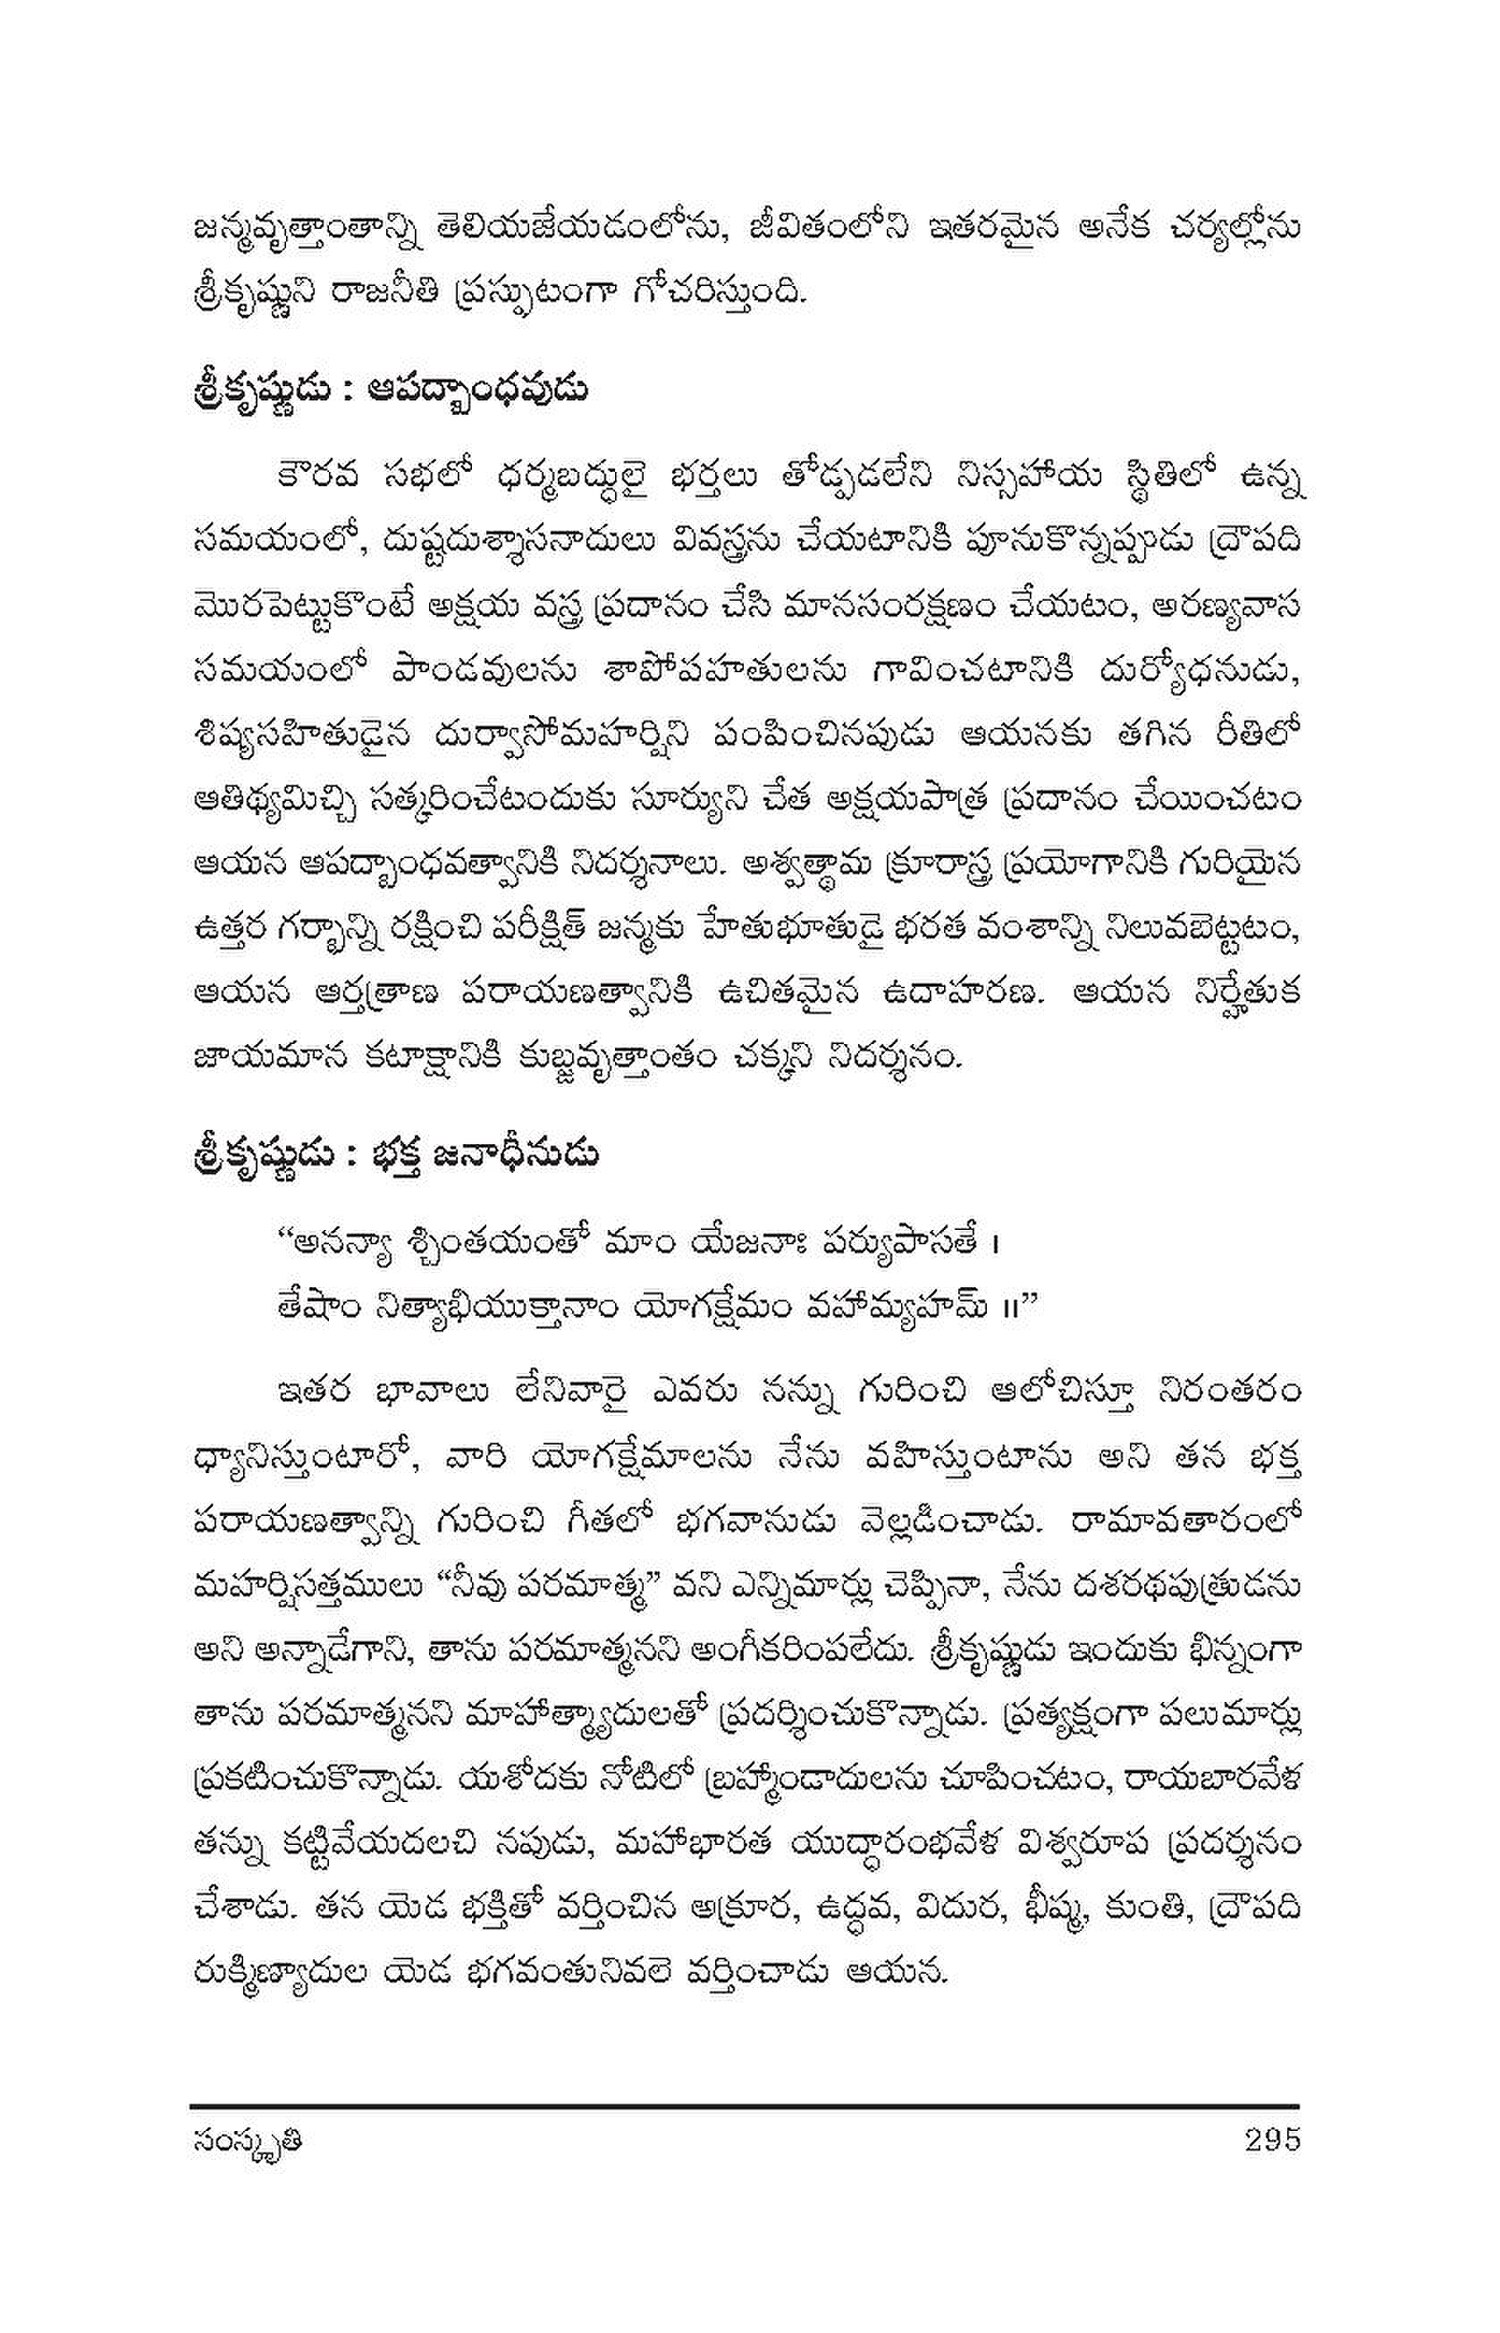జన్మవృత్తాంతాన్ని తెలియజేయడంలోను, జీవితంలోని ఇతరమైన అనేక చర్యల్లోను
శ్రీకృష్ణుని రాజనీతి ప్రస్ఫుటంగా గోచరిస్తుంది.

శ్రీకృష్ణుడు : ఆపద్బాంధవుడు

కౌరవ సభలో ధర్మబద్ధులై భర్తలు తోడ్పడలేని నిస్సహాయ స్థితిలో ఉన్న
సమయంలో, దుష్టదుశ్శాసనాదులు వివస్త్రను చేయటానికి పూనుకొన్నప్పుడు ద్రౌపది
మొరపెట్టుకొంటే అక్షయ వస్త్ర ప్రదానం చేసి మానసంరక్షణం చేయటం, అరణ్యవాస
సమయంలో పాండవులను శాపోవహతులను గావించటానికి దుర్యోధనుడు,
శిష్యసహితుడైన దుర్వాసోమహర్షిని పంపించినపుడు ఆయనకు తగిన రీతిలో
ఆతిథ్యమిచ్చి సత్కరించేటందుకు సూర్యుని చేత అక్షయపాత్ర ప్రదానం చేయించటం
ఆయన ఆపద్బాంధవత్వానికి నిదర్శనాలు. అశ్వత్థామ క్రూరాస్త్ర ప్రయోగానికి గురియైన
ఉత్తర గర్భాన్ని రక్షించి పరీక్షిత్ జన్మకు హేతుభూతుడై భరత వంశాన్ని నిలువబెట్టటం,
ఆయన ఆర్తత్రాణ పరాయణత్వానికి ఉచితమైన ఉదాహరణ. ఆయన నిర్హేతుక
జాయమాన కటాక్షానికి కుబ్జవృత్తాంతం చక్కని నిదర్శనం.

శ్రీకృష్ణుడు : భక్త జనాధీనుడు

“అనన్యా శ్చింతయంతో మాం యేజనాః పర్యుపాసతే |
తేషాం నిత్యాభియుక్తానాం యోగక్షేమం వహామ్యహమ్ ||”

ఇతర భావాలు లేనివారై ఎవరు నన్ను గురించి ఆలోచిస్తూ నిరంతరం
ధ్యానిస్తుంటారో, వారి యోగక్షేమాలను నేను వహిస్తుంటాను అని తన భక్త
పరాయణత్వాన్ని గురించి గీతలో భగవానుడు వెల్లడించాడు. రామావతారంలో
మహర్షిసత్తములు "నీవు పరమాత్మ" వని ఎన్నిమార్లు చెప్పినా, నేను దశరథపుత్రుడను
అని అన్నాడేగాని, తాను పరమాత్మనని అంగీకరింపలేదు. శ్రీకృష్ణుడు ఇందుకు భిన్నంగా
తాను పరమాత్మనని మాహాత్మ్యాదులతో ప్రదర్శించుకొన్నాడు. ప్రత్యక్షంగా పలుమార్లు
ప్రకటించుకొన్నాడు. యశోదకు నోటిలో బ్రహ్మాండాదులను చూపించటం, రాయబారవేళ
తన్ను కట్టివేయదలచి నపుడు, మహాభారత యుద్ధారంభవేళ విశ్వరూప ప్రదర్శనం
చేశాడు. తన యెడ భక్తితో వర్తించిన అక్రూర, ఉద్ధవ, విదుర, భీష్మ, కుంతి, ద్రౌపది
రుక్మిణ్యాదుల యెడ భగవంతునివలె వర్తించాడు ఆయన.